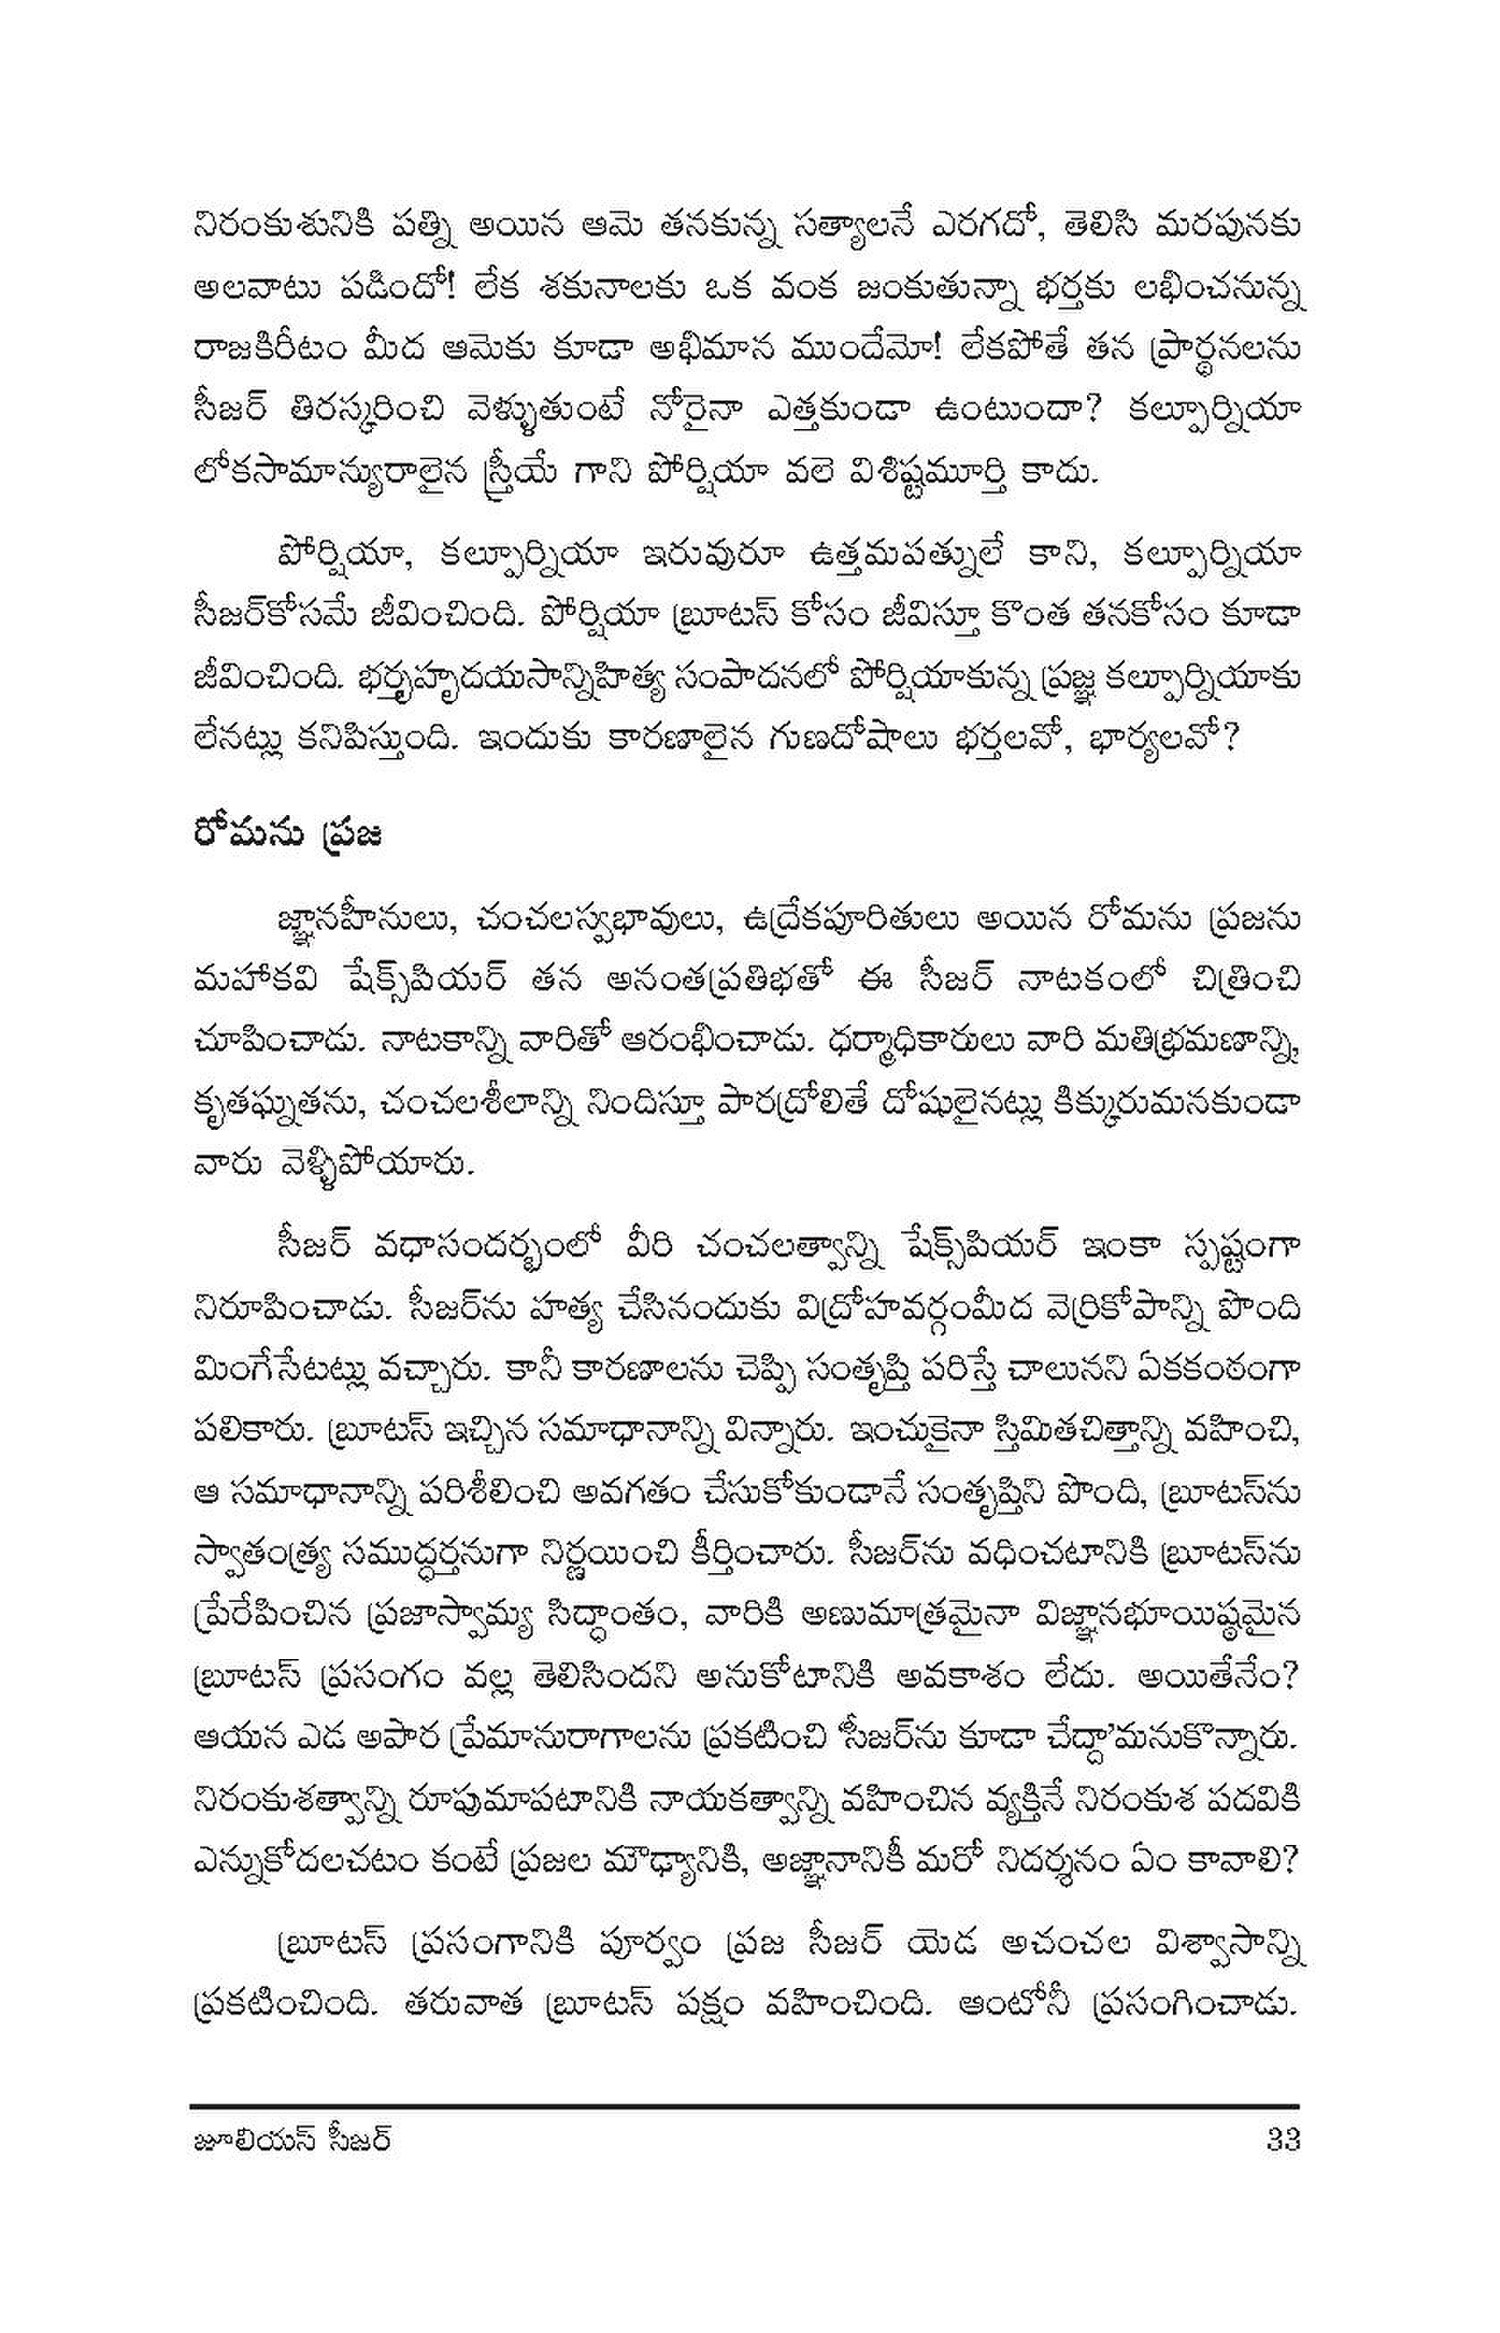నిరంకుశునికి పత్ని అయిన ఆమె తనకున్న సత్యాలనే ఎరగదో, తెలిసి మరుపునకు అలవాటు పడిందో! లేక శకునాలకు ఒక వంక జంకుతున్నా భర్తకు లభించనున్న రాజకిరీటం మీద ఆమెకు కూడా అభిమాన ముందేమో! లేకపోతే తన ప్రార్థనలను సీజర్ తిరస్కరించి వెళ్ళుతుంటే నోరైనా ఎత్తకుండా ఉంటుందా? కల్పూర్నియా లోకసామాన్యురాలైన స్త్రీయే గాని పోర్షియా వలె విశిష్టమూర్తి కాదు.

పోర్షియా, కల్పూర్నియా ఇరువురూ ఉత్తమపత్నులే కాని, కల్పూర్నియా సీజర్ కోసమే జీవించింది. పోర్షియా బ్రూటస్ కోసం జీవిస్తూ కొంత తనకోసం కూడా జీవించింది. భర్తృహృదయసాన్నిహిత్య సంపాదనలో పోర్షియాకున్న ప్రజ్ఞ కల్పూర్నియాకు
లేనట్లు కనిపిస్తుంది. ఇందుకు కారణాలైన గుణదోషాలు భర్తలతో, భార్యలవో?

జ్ఞానహీనులు, చంచలస్వభావులు, ఉద్రేకపూరితులు అయిన రోమను ప్రజను మహాకవి షేక్స్ పియర్ తన అనంతప్రతిభతో ఈ సీజర్ నాటకంలో చిత్రించి చూపించాడు. నాటకాన్ని వారితో ఆరంభించాడు. ధర్మాధికారులు వారి మతిభ్రమణాన్ని,
కృతఘ్నతను, చంచలశీలాన్ని నిందిస్తూ పారద్రోలితే దోషులైనట్లు కిక్కురుమనకుండా వారు వెళ్ళిపోయారు.

సీజర్ వథాసందర్భంలో వీరి చంచలత్వాన్ని షేక్స్ పియర్ ఇంకా స్పష్టంగా నిరూపించాడు. సీజర్ ను హత్య చేసినందుకు విద్రోహవర్గంమీద వెర్రికోపాన్ని పొంది మింగేసేటట్లు వచ్చారు. కానీ కారణాలను చెప్పి సంతృప్తి పరిస్తే చాలునని ఏకకంఠంగా
పలికారు. బ్రూటస్ ఇచ్చిన సమాధానాన్ని విన్నారు. ఇంచుకైనా స్తిమితచిత్తాన్ని వహించి, ఆ సమాధానాన్ని పరిశీలించి అవగతం చేసుకోకుండానే సంతృప్తిని పొంది, బ్రూటస్ ను స్వాతంత్య్ర సముద్ధర్తనుగా నిర్ణయించి కీర్తించారు. సీజర్ ను వధించటానికి బ్రూటస్ ను ప్రేరేపించిన ప్రజాస్వామ్య సిద్ధాంతం, వారికి అణుమాత్రమైనా విజ్ఞానభూయిష్ఠమైన బ్రూటస్ ప్రసంగం వల్ల తెలిసిందని అనుకోటానికి అవకాశం లేదు. అయితేనేం? ఆయన ఎడ అపార ప్రేమానురాగాలను ప్రకటించి 'సీజర్ ను కూడా చేద్దామనుకొన్నారు. నిరంకుశత్వాన్ని రూపుమాపటానికి నాయకత్వాన్ని వహించిన వ్యక్తినే నిరంకుశ పదవికి
ఎన్నుకోదలచటం కంటే ప్రజల మౌఢ్యానికి, అజ్ఞానానికి మరో నిదర్శనం ఏం కావాలి?

బ్రూటస్ ప్రసంగానికి పూర్వం ప్రజ సీజర్ యెడ అచంచల విశ్వాసాన్ని ప్రకటించింది. తరువాత బ్రూటస్ పక్షం వహించింది. ఆంటోనీ ప్రసంగించాడు.
జూలియస్ సీజర్33